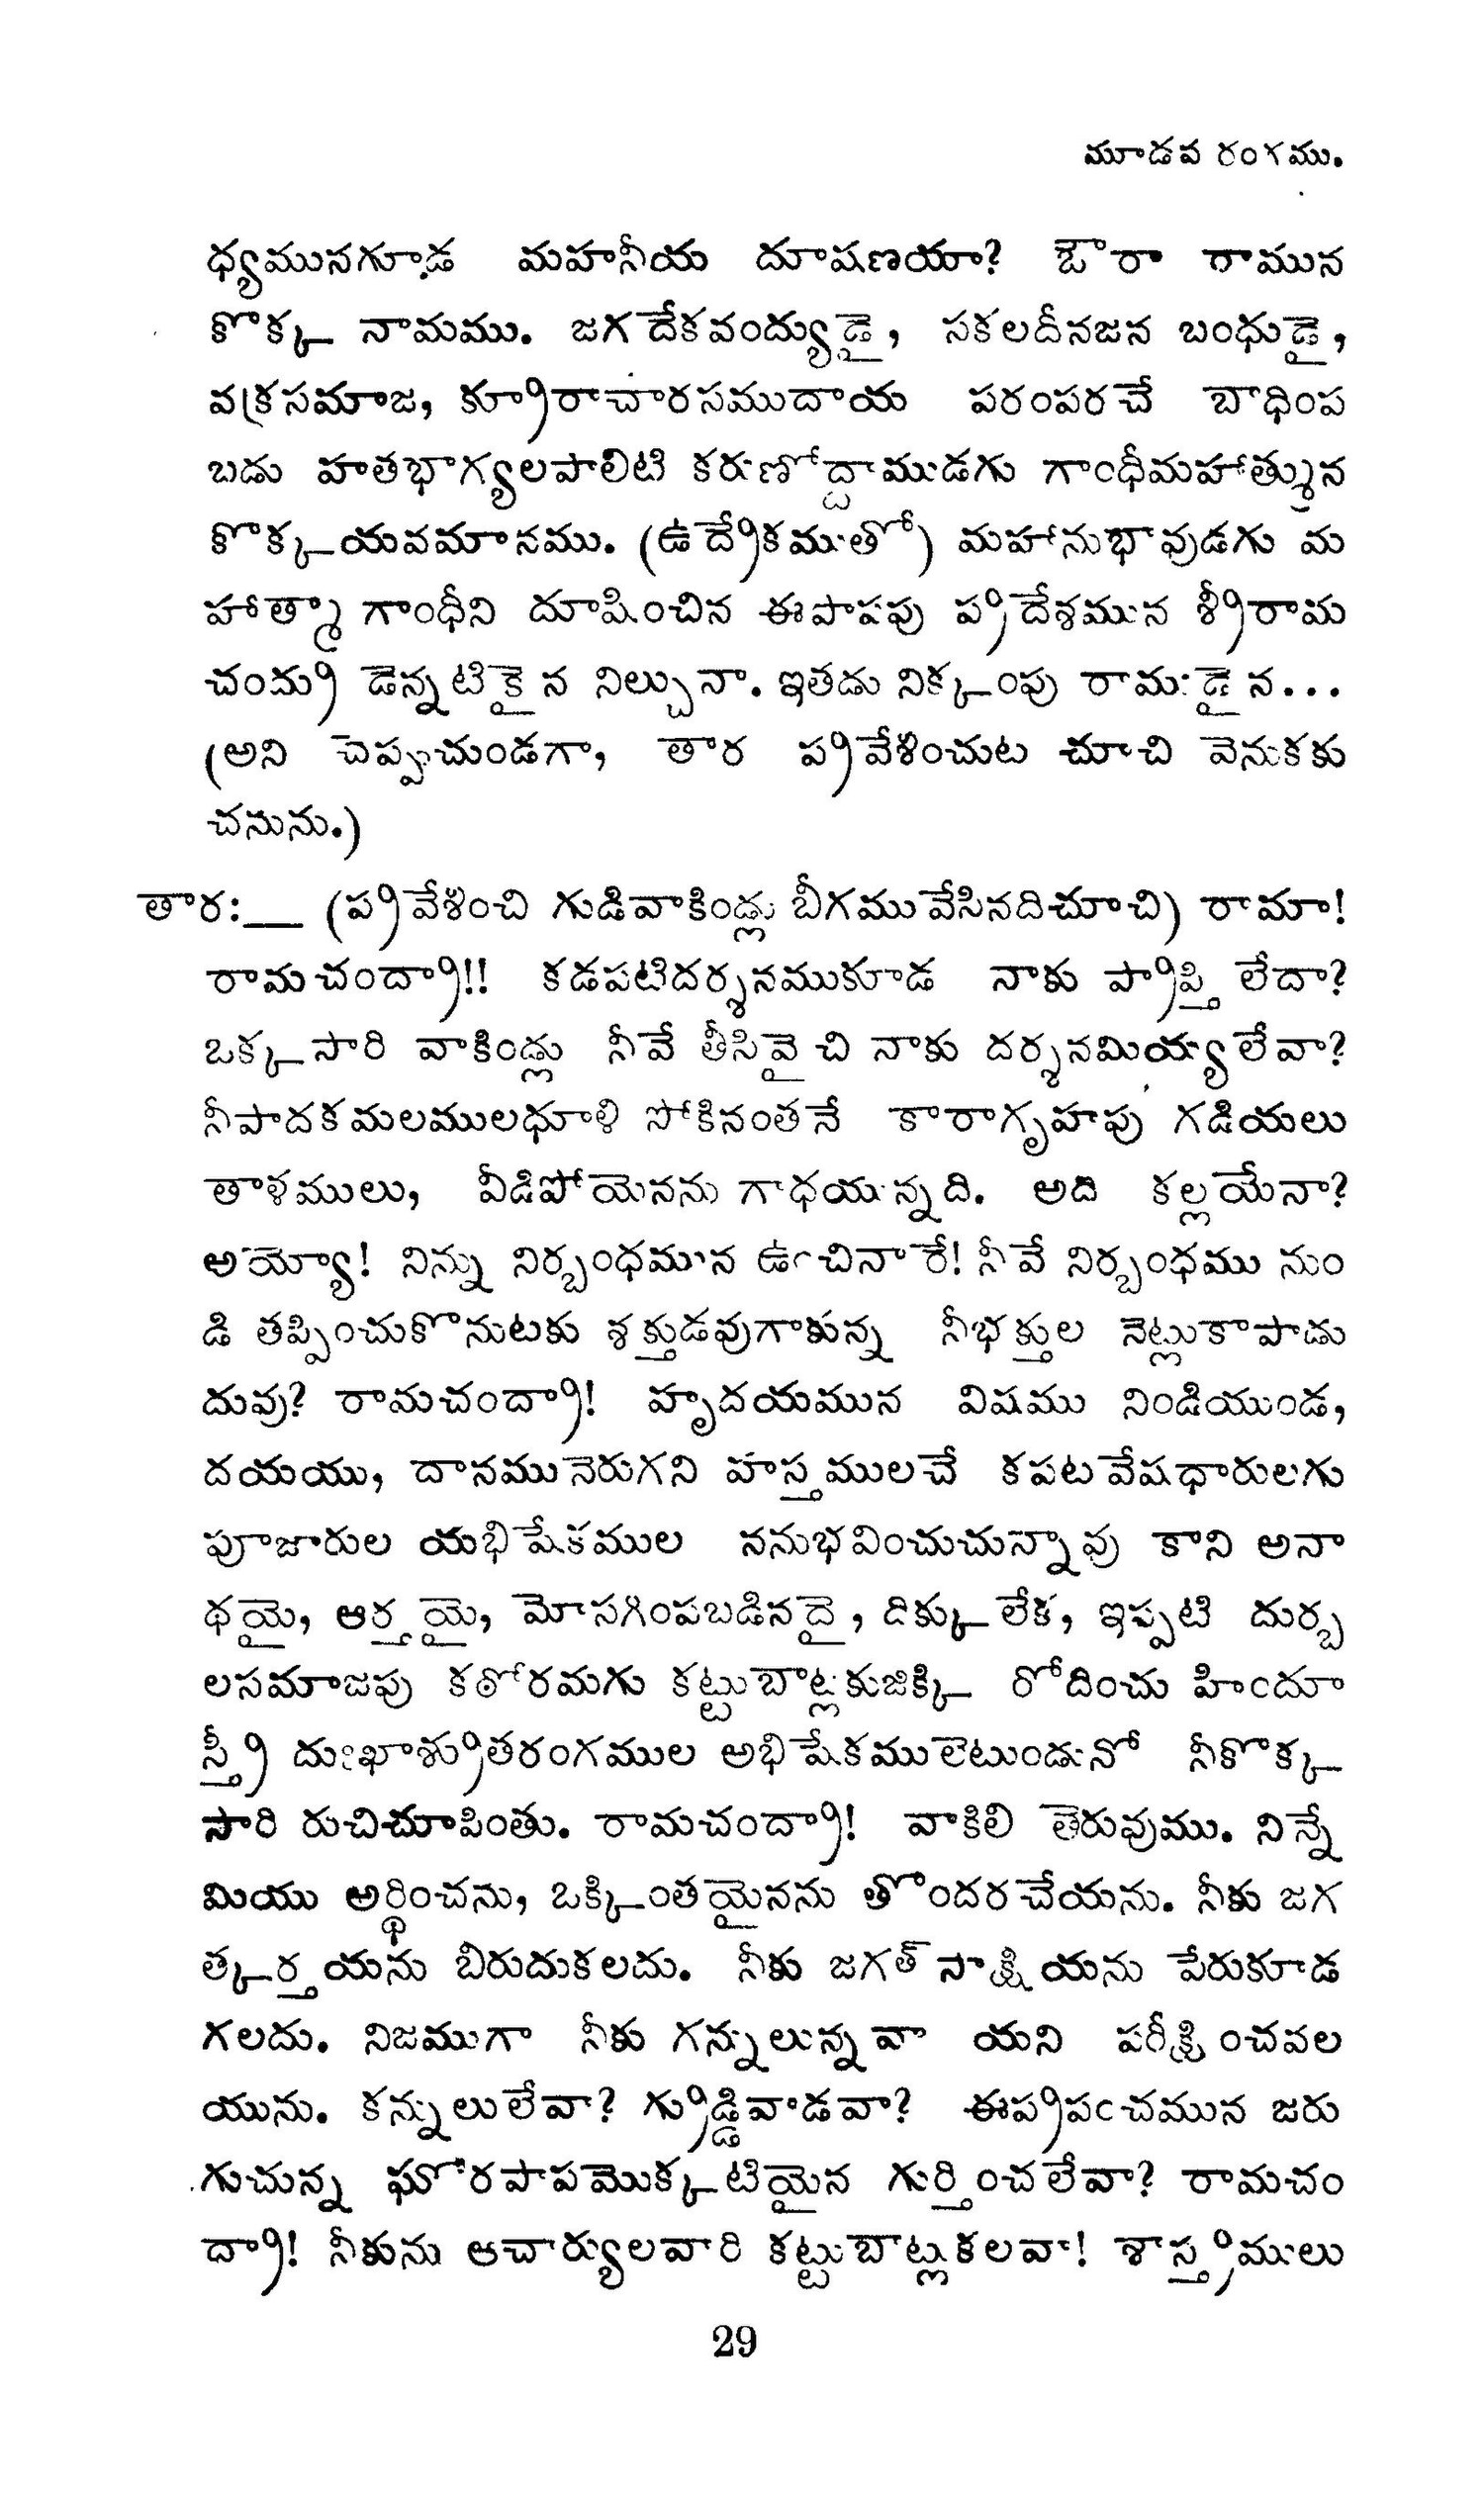ధ్యమునగూడ మహనీయ దూషణయా? ఔరా రామున
కొక్క నామము. జగ దేకవంద్యుడై , సకలదీనజన బంధుడై ,
వక్ర సమాజ, క్రూరాచార సముదాయ పరంపరచే బాధింప
బడు హత భాగ్యలపాలిటి కరణోద్దాముఁడగు గాంధీ మహాత్మున
కొక్క యవమానము. (ఉదేకముతో) మహానుభావుడగు మ
హాత్మా గాంధీని దూషించిన ఈ పాపపు ప్రదేశమున శ్రీరామ
చంద్రు డెన్నటికైన నిల్చునా. ఇతడు నిక్కంపు రాముడైన...
(అని చెప్పుచుండగా, తార ప్రవేశించుట చూచి వెనుకకు
చనును.)

తార: - (ప్రవేశించి గుడివాకిండ్లు బీగము వేసినది చూచి) రామా!
రామ చంద్రా!! కడపటి దర్శనముకూడ నాకు పాప్తి లేదా?
ఒక్క సారి వాకిండ్లు నీవే తీసివైచి నాకు దర్శనమియ్య లేవా?
నీపాదకమలముల ధూళి సోకినంత నే కారాగృహపు గడియలు
తాళములు వీడిపోయెనను గాధయన్నది. అది కల్లయేనా?
అయ్యో! నిన్ను నిర్బంధమున ఉంచినా రే! నీవే నిర్బంధము నుం
డి తప్పించుకొనుటకు శక్తుడవుగాకున్న నీభక్తుల నెట్లు కాపాడు
దువు? రామచంద్రా! హృదయమున విషము నిండియుండ,
దయయు, దానము నెరుగని హస్తములచే కపట వేషధారులగు
పూజారుల యభిషేకముల ననుభవించుచున్నావు కాని అనా
థయై, ఆర్తయై, మోసగింపబడినదై , దిక్కు లేక, ఇప్పటి దుర్భ
లసమాజపు కఠోరమగు కట్టుబాట్లకుజిక్కి రోదించు హిందూ
స్త్రీ దుఃఖాశ్రుతరంగముల అభిషేకము లెట్టుం డునో నీకొక్క
సారి రుచిచూపింతు. రామచంద్రా! వాకిలి తెరువుము. నిన్నే
మియు అర్థించను, ఒక్కింత యైనను తొందర చేయను. నీకు జగ
త్కర్త యను బిరుదుకలదు. నీకు జగత్ సాక్షి యను పేరుకూడ
గలదు. నిజముగా నీకు గన్నులున్న వా యని పరీక్షించవల
యును. కన్నలు లేవా? గుడ్డివాడవా? ఈప్రపంచమున జరు
గుచున్న ఘోరపాప మొక్కటియైన గుర్తించ లేవా? రామచం
దా! నీకును ఆచార్యులవారి కట్టు బాట్ల కలవా'! శాస్త్రములు